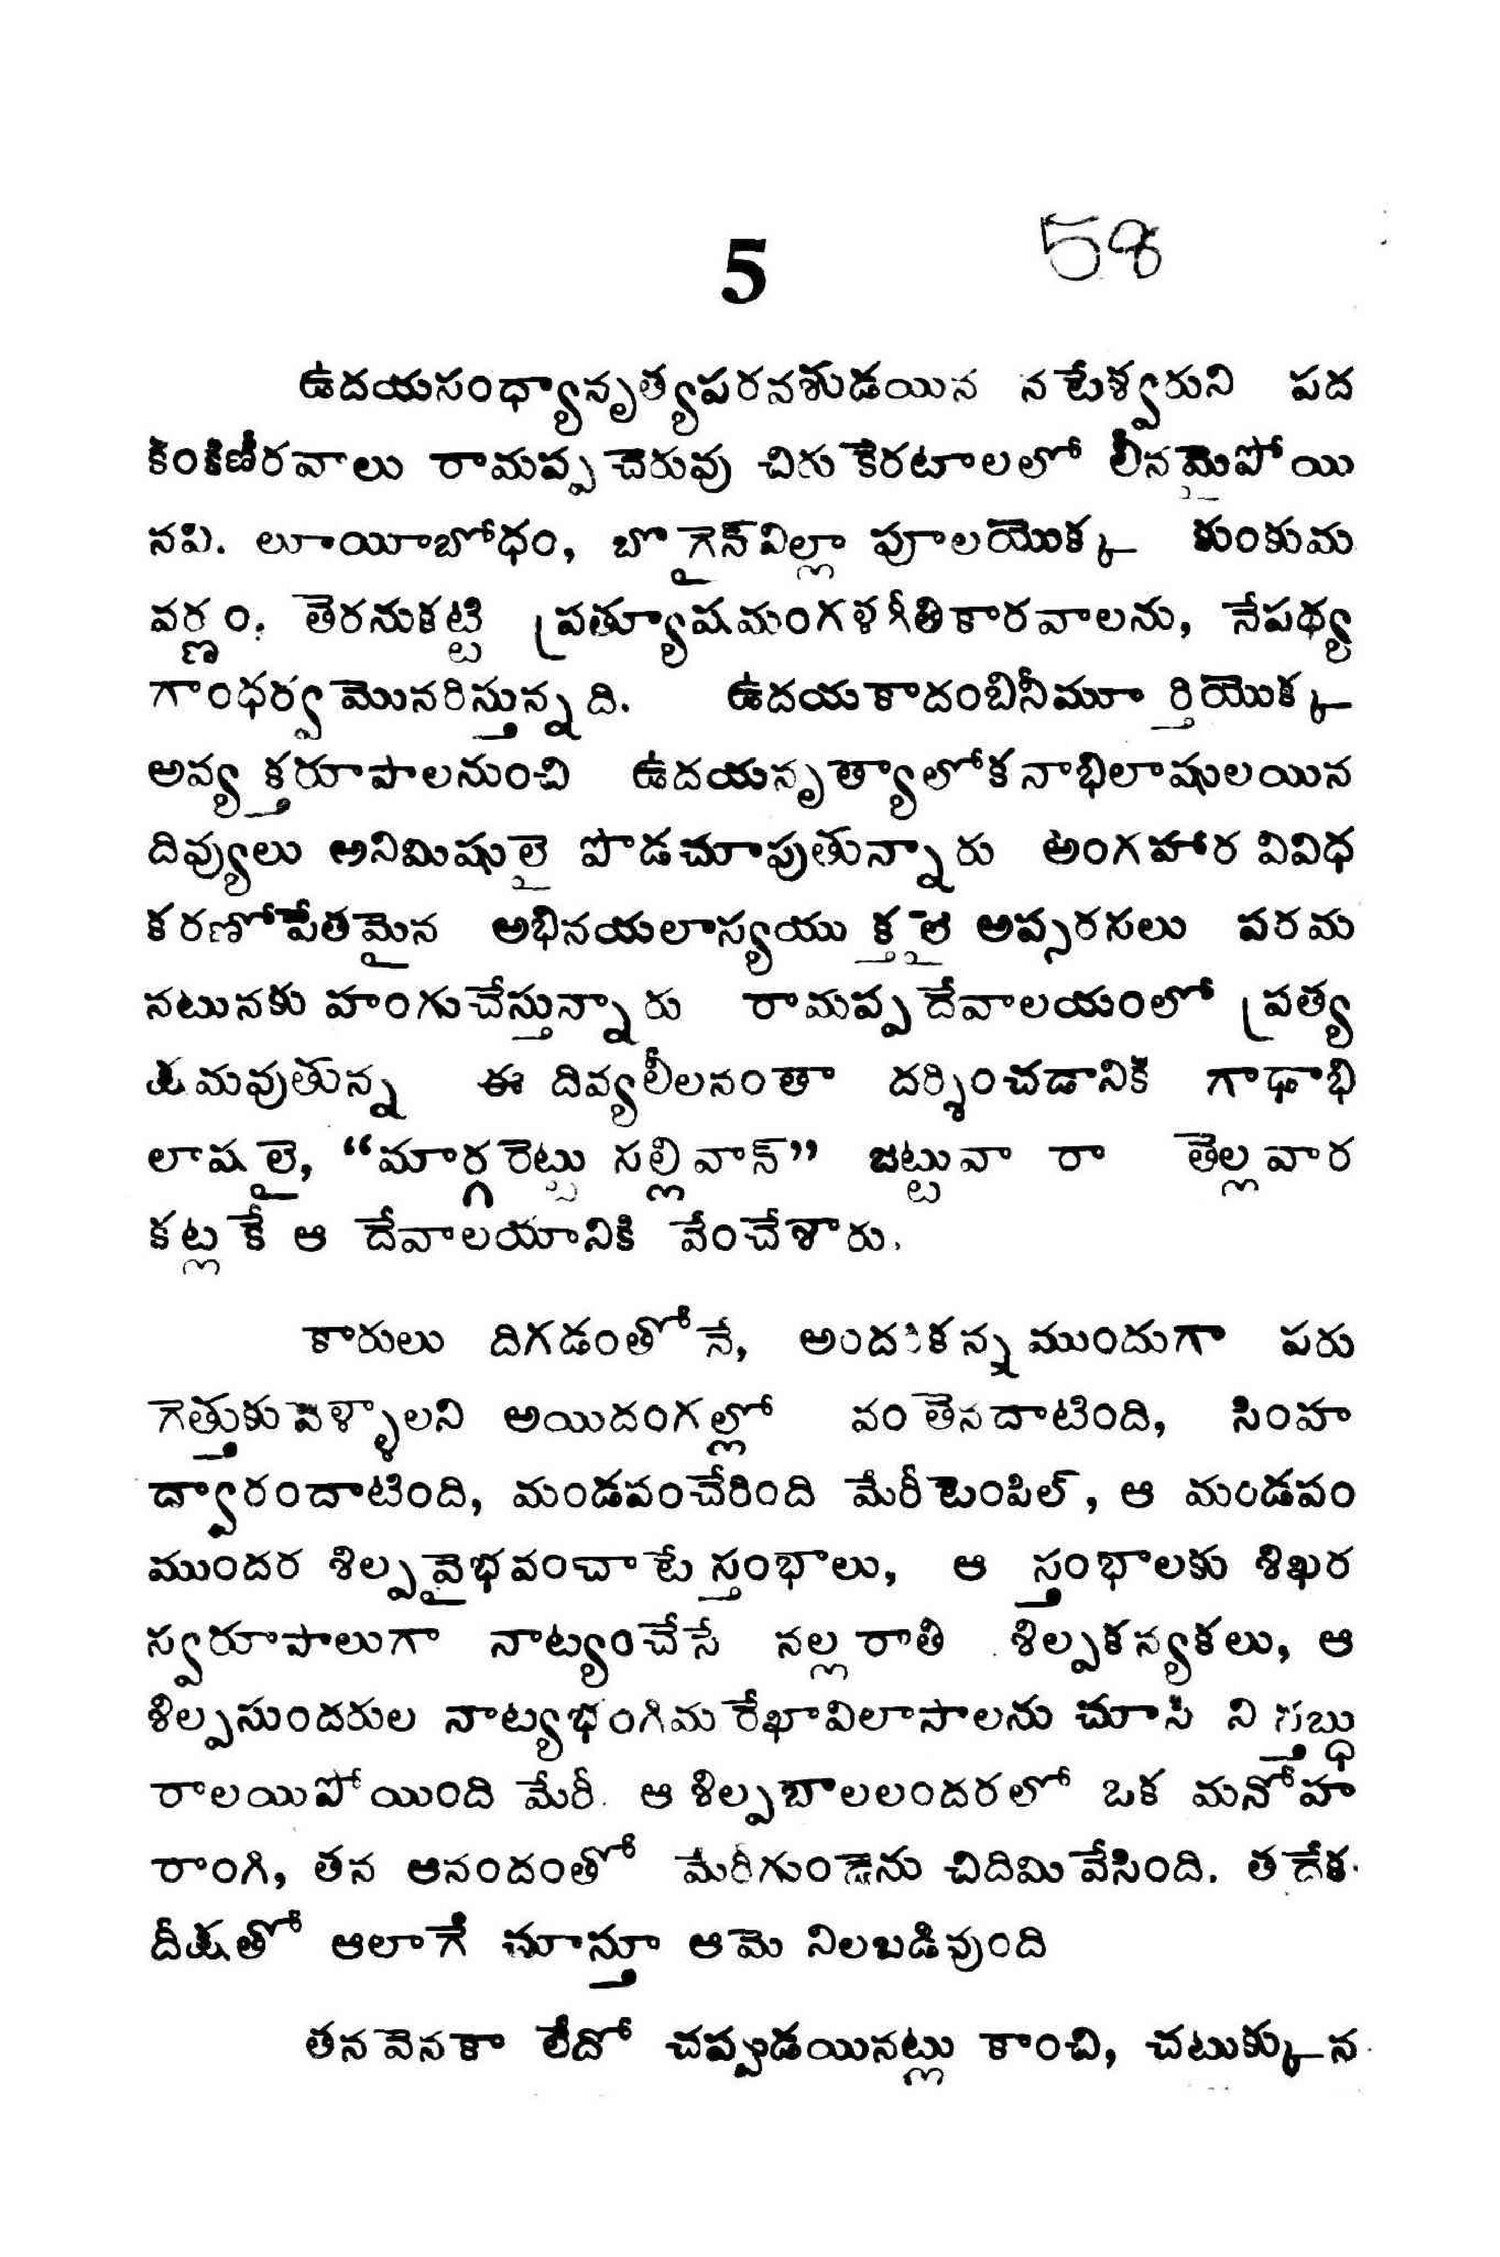ఉదయసంధ్యానృత్యపరవశుడయిన నటేశ్వరుని పద కింకిణీరవాలు రామప్ప చెరువు చిరు కెరటాలలో లీనమైపోయి
నవి. లూయీబోధం, బొగైన్ విల్లా పూల యొక్క కుంకుమ వర్ణం. తెరను కట్టి ప్రత్యూష మంగళగీతికారవాలను, నేపథ్య
గాంధర్వ మొనరిస్తున్నది. ఉదయ కాదంబినీమూర్తియొక్క అవ్యక్తరూపాల నుంచి ఉదయనృత్యాలోక నాభిలాషులయిన
దివ్యులు అనిమిషులై పొడచూపుతున్నారు అంగహార వివిధ కరణోపేతమైన అభినయలాస్యయుక్తలై అప్సరసలు పరమ
నటునకు హంగుచేస్తున్నారు రామప్ప దేవాలయంలో ప్రత్యక్షమవుతున్న ఈ దివ్యలీలనంతా దర్శించడానికి గాఢాభి
లాషు లై, “మార్గ రెట్టు సల్లివాన్" జట్టువా రా తెల్లవార కట్లకే ఆ దేవాలయానికి వేంచేశారు.

కారులు దిగడంతోనే, అందరికన్న ముందుగా పరగెత్తుకు వెళ్ళాలని అయిదంగల్లో వంతెన దాటింది, సింహద్వారం దాటింది, మండవం చేరింది మేరీ టెంపిల్, ఆ మండపం ముందర శిల్ప వైభవం చాటేస్తంభాలు, ఆ స్తంభాలకు శిఖర
స్వరూపాలుగా నాట్యంచేసే నల్ల రాతి శిల్పకన్యకలు, ఆ శిల్పసుందరుల నాట్యభంగిమ రేఖావిలాసాలను చూసి నిస్తబ్ధు
రాలయిపోయింది మేరీ. ఆ శిల్పబాలలందరలో ఒక మనోహరాంగి, తన ఆనందంతో మేరీగుండెను చిదిమి వేసింది. తదేక
దీక్షతో అలాగే చూస్తూ ఆమె నిలబడివుంది

తన వెనకా లేదో చప్పుడయినట్లు కాంచి, చటుక్కున.